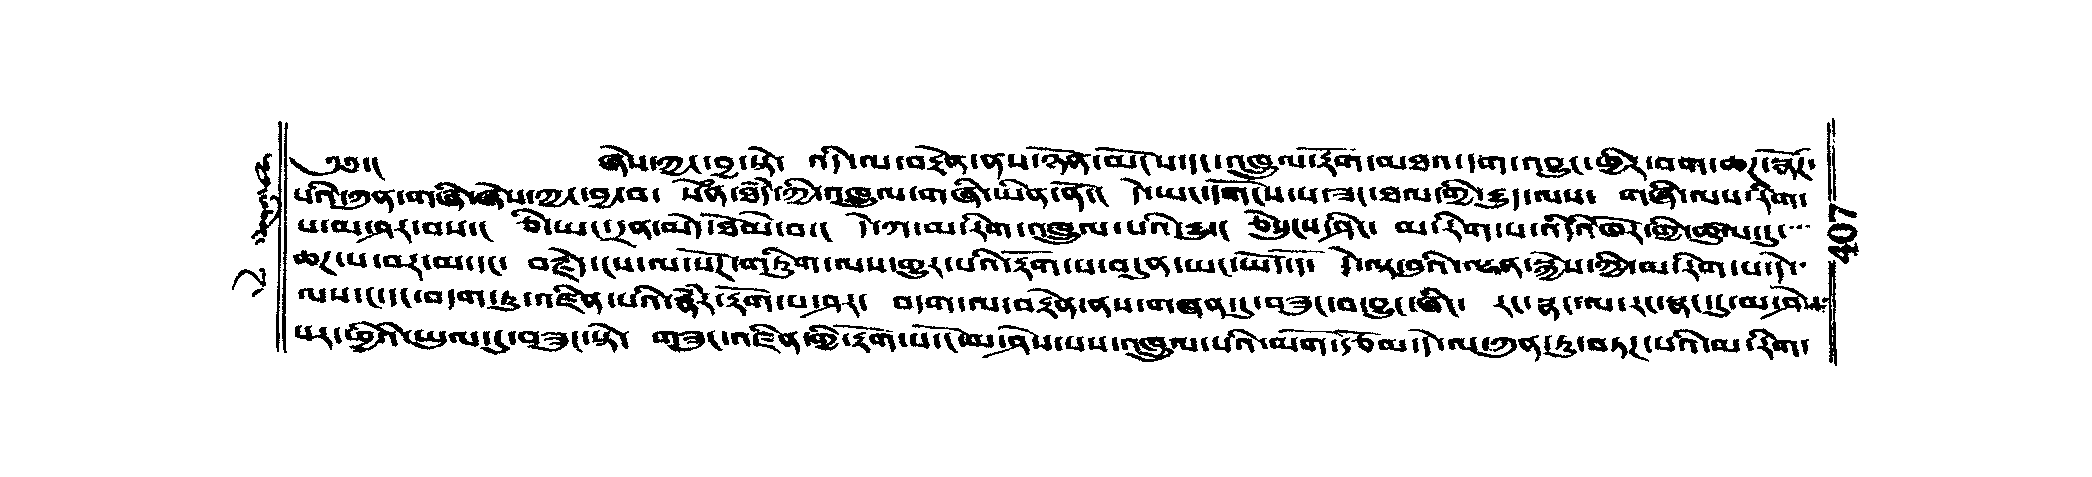ཞེས་ཀྱང་བྱ་སྟེ། འདི་ལ་བརྟེན་ནས་ཉོན་མོངས་དང་འཁྲུལ་རྟོག་མཐའ་དག་འབྱུང་ཕྱིར་བག་ཆགས་སྣ་ཚོགས་
པའི་ཀུན་གཞི་ཞེས་ཀྱང་བྱ་བ། སེམས་ཅན་ཐམས་ཅད་ཀྱི་འཁྲུལ་གཞི་ཡིན་ནོ། དེ་ཡང་དགོངས་པ་ཟང་ཐལ་གྱི་རྒྱུད་ལས། གཞི་ལས་རིག་
པ་མ་ཤར་བས། །ཅི་ཡང་དྲན་མེད་ཐོམ་མེ་བ། །དེ་ཀ་མ་རིག་འཁྲུལ་པའི་རྒྱུ། ཞེས་གསུངས་ཤིང་། མ་རིག་པ་འདིའི་འཁོར་གྱི་ཚུལ་དུ་
ཆགས་པ་བར་མ་དང་།བརྗེད་ངེས་ལ་སོགས་གཏི་མུག་ལས་གྱུར་པའི་རྟོག་པ་བདུན་ཡང་ཡོད་དོ། དེ་ལྟ་བུའི་ལྷན་སྐྱེས་ཀྱི་མ་རིག་པ་དེ་
ལས་ང་དང་བདག་ཏུ་འཛིན་པའི་རྣམ་པར་རྟོག་པ་ཤར། བདག་ལ་བརྟེན་ནས་གཞན་དུ་བཟུང་བ་བྱུང་ཞིང་། རང་སྣང་ལ་རང་སྣང་དུ་མ་ཤེས་
པར་ཕྱིའི་ཡུལ་དུ་བཟུང་སྟེ། གཟུང་འཛིན་གྱི་རྟོག་པ་ངོ་མ་ཤེས་པས་འཁྲུལ་པའི་འགོ་རྩོམ། དེ་ལ་ཀུན་ཏུ་བཏགས་པའི་མ་རིག་